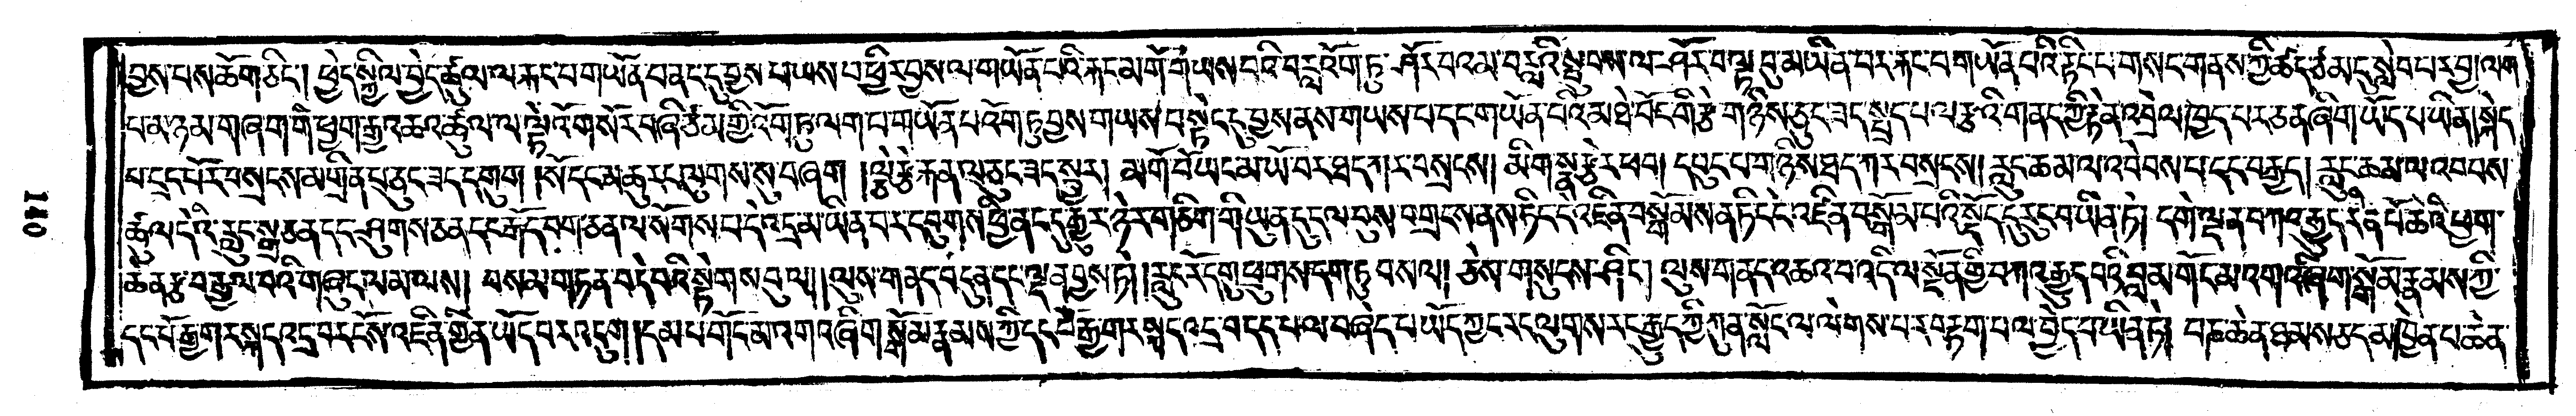བྱས་པས་ཆོག་ཅིང་། ཕྱེད་སྐྱིལ་བྱེད་ཚུལ་ལ་རྐང་པ་གཡོན་པ་ནང་དུ་བྱས་པ་ཡས་པ་ཕྱིར་བྱས་ལ་གཡོན་པའི་རྐང་མགོ་གཡས་པའི་བྲལ་འོག་ཏུ་ཤོར་བའམ་བརླའི་སྦུབས་ལ་ཤོར་བ་ལྟ་བུ་མ་ཡིན་པར་རྐང་བ་གཡོན་པའི་རྟིང་པ་གསང་གནས་ཀྱི་ཚད་ཙམ་དུ་སླེབ་པར་བྱ། ལག་
པ་མཉམ་གཞག་གི་ཕྱག་རྒྱ་འཆའ་ཚུལ་ལ་ལྟེའོ་གསོར་བཞི་ཙམ་གྱི་འོག་ཏུ་ལག་པ་གཡོན་པ་འོག་ཏུ་བྱས་གཡས་བསྟེང་དུ་བྱས་ནས་གཡས་པ་དང་གཡོན་པའི་མཐེ་བོང་གི་རྩེ་གཉིས་ཅུང་ཟད་སྤྲད་པ་ལ་རྩའི་གནང་ཀྱི་རྟེན་འབྲེལ་ཁྱད་པར་ཅན་ཞིག་ཡོད་པ་ཡིན། སྐེད་
པ་དྲང་པོར་བསྲངས་མགྲིན་པ་ཅུང་ཟད་དགུག། །སོ་དང་མཆུ་རང་ལུགས་སུ་བཞག །ལྕེ་རྩེ་རྐན་ལ་ཅུང་ཟད་སྦྱར། མགོ་བོ་ཡང་མ་ཡོ་བར་ཐད་ཀར་བསྲངས། མིག་སྣ་རྩེར་ཕབ། དཔུང་པ་གཉིས་ཐད་ཀར་བསྲངས། རླུང་ཆམ་ལ་འབེབས་པ་དང་བརྒྱད། རླུང་ཆམ་ལ་འབབས་
ཚུལ་དེའི་རླུང་སྒྲ་ཅན་དང་ཤུགས་ཅན་དང་རྒོད་བག་ཅན་ལ་སོགས་པ་དེ་འདྲ་མ་ཡིན་པར་དབུགས་ཕྱི་ནང་དུ་རྒྱུར་ཉེར་གཅིག་གི་ཡུན་དུ་དལ་བུས་བགྲངས་ནས་ཏིང་ངེ་འཛིན་བསྒོམས་ན་ཏིང་ངེ་འཛིན་བསྒོམ་པའི་སྡོད་དུ་རུང་བ་ཡིན་ཏེ། དགེ་ལྡན་བཀའ་རྒྱུད་རིན་པོ་ཆེའི་ཕྱག་
ཆེན་རྩ་བརྒྱལ་བའི་གཞུང་ལམ་ལས། བསམ་གཏན་བདེ་བའི་སྟེགས་བུལ། །ལུས་གནད་བདུན་དང་ལྡན་བྱས་ཏེ། །རླུང་རོ་དགུ་ཕྲུགས་དག་ཏུ་བསལ། ཅེས་གསུངས་ཤིང་། ལུས་གནད་འཆའ་བ་འདི་ལ་སྔོན་གྱི་བཀའ་རྒྱུད་བའི་བླ་མ་གོང་མ་འགའ་ཞིག་སྒོམ་རྣམས་ཀྱི་
དང་པོ་རྒྱ་གར་སྐད་འདྲ་བར་ངོས་འཛིན་གྱིན་ཡོད་པར་འདུག །དམ་པ་གོང་མ་འགའ་ཞིག་སྒོམ་རྣམས་ཀྱི་དང་པོ་རྒྱ་གར་སྐད་འདྲ་བ་དད་པ་ལ་བཞེད་པ་ཡོད་ཀྱང་རང་ལུགས་རང་རྒྱུད་ཀྱི་ཀུན་སློང་ལ་ལེགས་པར་བརྟག་པ་ལ་བྱེད་པ་ཡིན་ཏེ། པཎ་ཆེན་ཐམས་ཅད་མཁྱེན་པ་ཆེན་